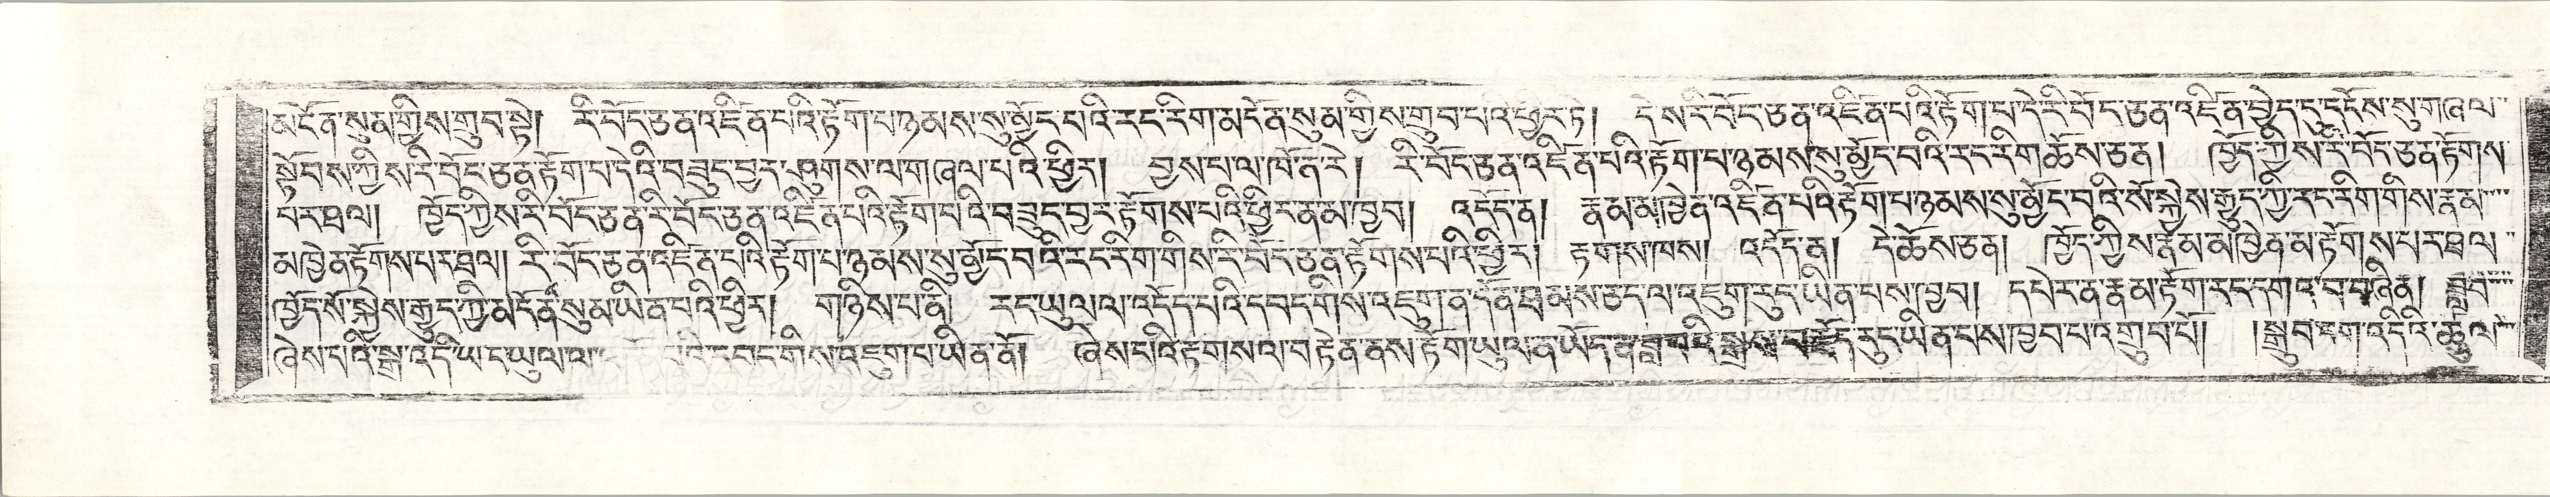མངོན་སུམ་གྱིས་གྲུབ་སྟེ། རི་བོང་ཅན་འཛིན་པའི་རྟོག་པ་ཉམས་སུ་མྱོང་བའི་རང་རིག་མངོན་སུམ་གྱིས་གྲུབ་པའི་ཕྱིར་ཏེ། དེས་རི་བོང་ཅན་འཛིན་པའི་རྟོག་པ་དེ་རི་བོང་ཅན་འཛིན་བྱེད་དུ་དངོས་སུ་གཞལ་
སྟོབས་ཀྱིས་རི་བོང་ཅན་རྟོག་པ་དེའི་བཟུང་བྱར་ཤུགས་ལ་གཞལ་བའི་ཕྱིར། བྱས་པ་ལ་ཁོ་ན་རེ། རི་བོང་ཅན་འཛིན་པའི་རྟོག་པ་ཉམས་སུ་མྱོང་བའི་རང་རིག་ཆོས་ཅན། ཁྱོད་ཀྱིས་རི་བོང་ཅན་རྟོགས་
པར་ཐལ། ཁྱོད་ཀྱིས་རི་བོང་ཅན་རི་བོང་ཅན་འཛིན་པའི་རྟོག་པའི་བཟུང་བྱར་རྟོགས་པའི་ཕྱིར་ན་མ་ཁྱབ། འདོད་ན། རྣམ་མཁྱེན་འཛིན་པའི་རྟོག་པ་ཉམས་སུ་མྱོང་བའི་སོ་སྐྱེས་རྒྱུད་ཀྱི་རང་རིག་གིས་རྣམ་
མཁྱེན་རྟོགས་པར་ཐལ། རི་བོང་ཅན་འཛིན་པའི་རྟོག་པ་ཉམས་སུ་མྱོང་བའི་རང་རིག་གིས་རི་བོང་ཅན་རྟོགས་པའི་ཕྱིར། རྟགས་ཁས། འདོད་ན། དེ་ཆོས་ཅན། ཁྱོད་ཀྱིས་རྣམ་མཁྱེན་མ་རྟོགས་པར་ཐལ།
ཁྱོད་སོ་སྐྱེས་རྒྱུད་ཀྱི་མངོན་སུམ་ཡིན་པའི་ཕྱིར། གཉིས་པ་ནི། རང་ཡུལ་ལ་འདོད་པའི་དབང་གིས་འཇུག་ན་དོན་ཐམས་ཅད་ལ་འཇུག་རུང་ཡིན་པས་ཁྱབ། དཔེར་ན་རྣམ་རྟོག་རང་དགའ་བ་བཞིན། ཟླ་བ་
ཞེས་པའི་སྒྲ་འདི་ཡང་ཡུལ་ལ་འདོད་པའི་དབང་གིས་འཇུག་པ་ཡིན་ནོ། ཞེས་པའི་རྟགས་ལ་བརྟེན་ནས་རྟོག་ཡུལ་ན་ཡོད་ན་ཟླ་བའི་སྒྲས་བརྗོད་རུང་ཡིན་པས་ཁྱབ་པ་འགྲུབ་པོ། །སྒྲུབ་ངག་འདིའི་ཚུལ་